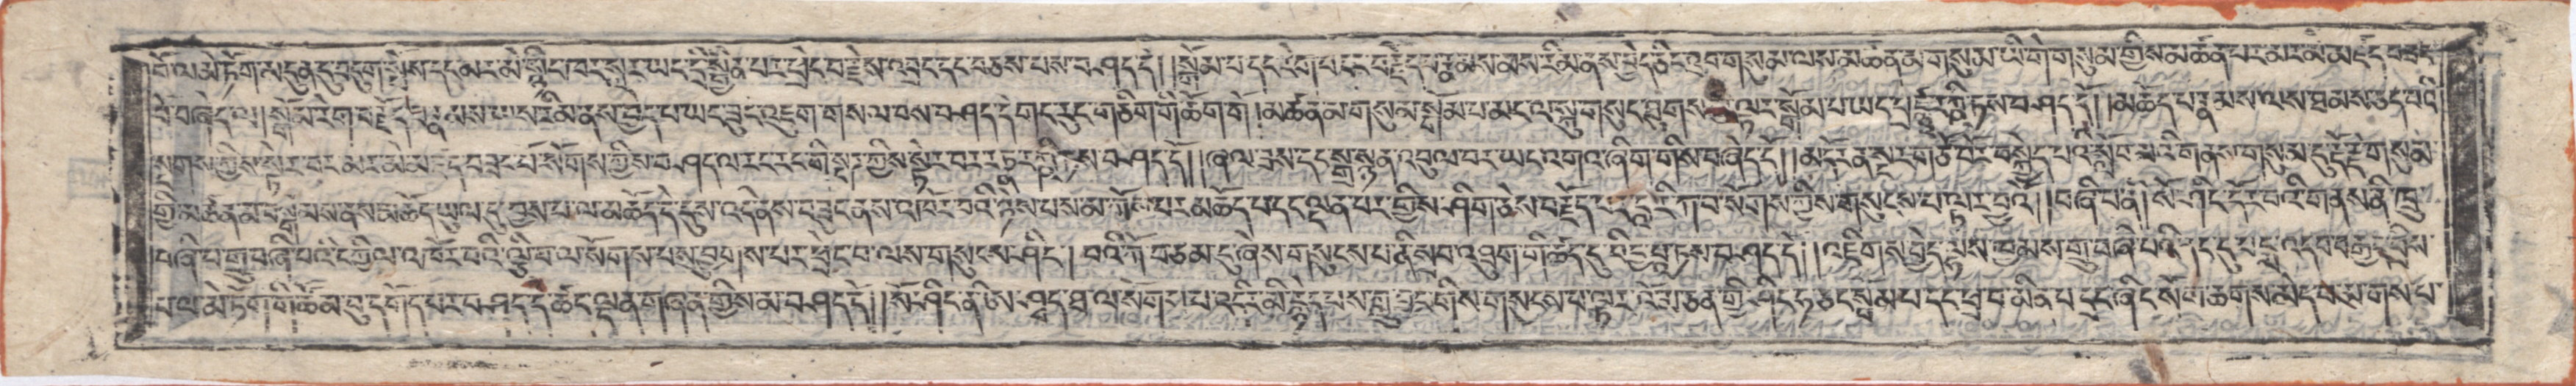བོ་ལ་མེ་ཏོག་མདུན་དུ་བདུག་སྤོས་དང་མར་མེ་སྙིང་ཁར་སླར་ཡང་དྲི་སྦྱིན་པར་ཕྲེང་བ་རྗེས་འབྲང་དང་བཅས་པས་བཤད་དེ། །སྒོམ་པ་དང་རེག་པ་དང་བརྗོད་པ་རྣམས་མས་རིམ་ནས་བྱེད་ཅིང་འབྲུ་གསུམ་ལས་མཚན་མ་གསུམ་ཡི་གེ་གསུམ་གྱིས་མཚན་པར་མར་མེ་མཛད་བཟང་
པོ་བཞེད་ལ། སྒོམ་རེག་བརྗོད་པ་རྣམས་ཡས་རིམ་ནས་བྱེད་པ་ཡང་ཟུང་འཇུག་གསལ་བས་བཤད་དེ་གང་རུང་གཅིག་གི་ཆོག་གོ །མཚན་མ་གསུམ་སྒོམ་པ་མང་ལ་སྐུ་གསུང་ཐུགས་ཀྱི་ལྷར་སྒོམ་པ་ཡང་པྲཛྙཱ་རཀྵི་ཏས་བཤད་དོ། །མཆོད་པ་རྣམས་ལས་ཐམས་ཅད་པའི་
སྔགས་ཀྱིས་སྟེར་བར་མར་མེ་མཛད་བཟང་པོ་སོགས་ཀྱིས་བཤད་ལ་རང་རང་གི་སྔགས་ཀྱིས་སྟེར་བར་རཏྣ་རཀྵི་ཏས་བཤད་དོ། །ཞལ་ཟས་དང་སྒྲ་སྙན་འབུལ་བར་ཡང་འགའ་ཞིག་གིས་བཞེད་དོ། །མདོར་ན་སྔར་གཙོ་བོར་བསྐྱེད་པའི་སློབ་མའི་གནས་གསུམ་དུ་རྡོ་རྗེ་གསུམ་
གྱི་མཚན་མ་བསྒོམས་ནས་མཆོད་ཡུལ་དུ་བྱས་པ་ལ་མཆོད་དེ་དུས་འདི་ནས་བཟུང་ནས་འཁོར་བའི་ཉེས་པས་མ་ཀོས་པར་མཆོད་པ་དང་ལྡན་པར་གྱིས་ཤིག་ཅེས་བརྗོད་པར་དཱ་རི་ཀ་བ་སོགས་ཀྱིས་གསུངས་པ་ལྟར་བྱའོ། །བཞི་པ་ནི། སོ་ཤིང་དོར་བའི་གནས་ནི་ཁྲུ་
བཞི་པ་གྲུ་བཞི་པའི་དཀྱིལ་འཁོར་བའི་ལྕི་བ་ལ་སོགས་པས་བྱུགས་པར་ཕྲེང་བ་ལས་གསུངས་ཤིང་། བའི་ཀོ་བ་ཙམ་དུ་ཞེས་གསུངས་པ་ནི་སྲབ་འཐུག་གི་ཚད་དུ་བིདྱ་པཱ་ཏས་བཤད་དོ། །འཇིགས་བྱེད་ལྷས་ཁྱམས་གྲུ་བཞི་པའི་ནང་དུ་པདམ་འདབ་བརྒྱད་བྲིས་
པ་ལ་མེ་ཏོག་གི་ཚོམ་བུ་དགོད་པར་བཤད་དེ་ཚད་ལྡན་གཞན་གྱིས་མ་བཤད་དོ། །སོ་ཤིང་ནི་ཨ་ཤྭད་ཐ་ལ་སོགས་པ་འདིར་མི་རྙེད་པས་ཀླུ་བྱང་གིས་གསུངས་པ་ལྟར་འོ་མ་ཅན་གྱི་ཤིང་ཧ་ཅང་སྤོམ་པ་དང་ཕྲ་བ་མིན་པ་དྲང་ཞིང་སྲོག་ཆགས་མེད་པ་མ་གས་པ་